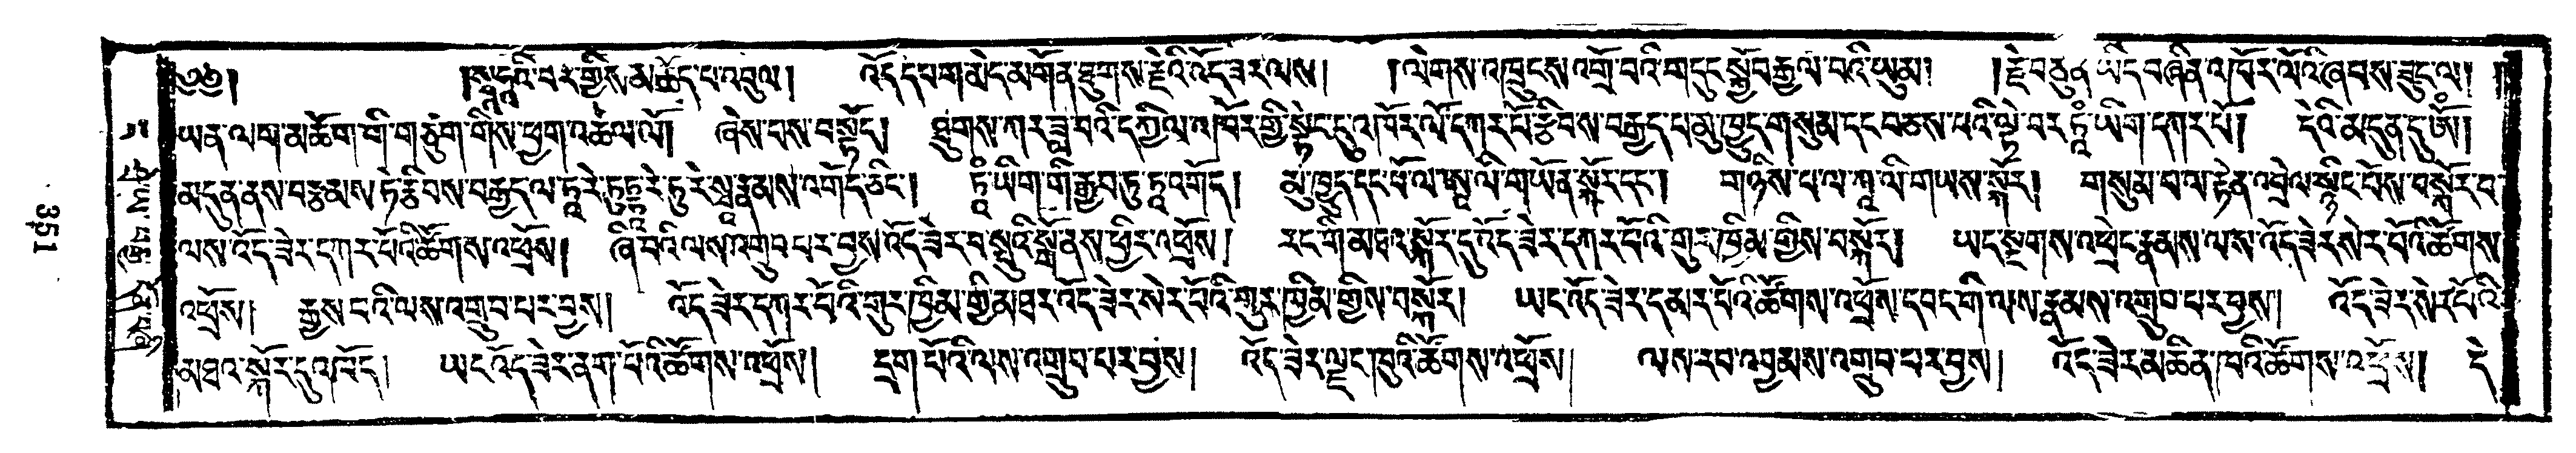༄༅། །སྭཱ་ཧཱའི་བར་གྱིས་མཆོད་པ་འབུལ། འོད་དཔག་མེད་མགོན་ཐུགས་རྗེའི་འོད་ཟེར་ལས། །ལེགས་འཁྲུངས་འགྲོ་བའི་གདུང་སྐྱོབ་རྒྱལ་བའི་ཡུམ། །རྗེ་བཙུན་ཡིད་བཞིན་འཁོར་ལོའི་ཞབས་ཟུང་ལ། །
ཡན་ལག་མཆོག་གི་གཙུག་གིས་ཕྱག་འཚལ་ལོ། ཞེས་པས་བསྟོད། ཐུགས་ཀར་ཟླ་བའི་དཀྱིལ་འཁོར་གྱི་སྟེང་དུ་འཁོར་ལོ་དཀར་པོ་རྩིབ་ས་བརྒྱད་པ་མུ་ཁྱུད་གསུམ་དང་བཅས་པའི་ལྟེ་བར་ཏཱཾ་ཡིག་དཀར་པོ། དེའི་མདུན་དུ་ཨོཾ།
མདུན་ནས་བརྩམ་ཏེ་རྩིབས་བརྒྱད་ལ་ཏཱ་རེ་ཏུཏྟཱ་རེ་སྭའ་རྣམས་འགོད་ཅིང་། ཏཱཾ་ཡིག་གི་རྒྱབ་ཏུ་འགོད། མུ་ཁྱུད་དང་པོ་ཨཱ་ལི་གཡོན་སྐོར་དང་། གཉིས་པ་ལ་ཀཱ་ལི་གཡས་སྐོར། །གསུམ་པ་ལ་རྟེན་འབྲེལ་སྙིང་པོས་བསྐོར་བ་
ལས་འོད་ཟེར་དཀར་པོའི་ཚོགས་འཕྲོས། ཞི་བའི་ལས་འགྲུབ་པར་བྱས་འོད་ཟེར་བ་སྤུའི་སྒོ་ནས་ཕྱིར་འཕྲོས། རང་གི་མཐའ་སྐོར་དུ་འོད་ཟེར་དཀར་པོའི་གུར་ཁྱིམ་གྱིས་བསྐོར། ཡང་སྔགས་འཕྲེང་རྣམས་ལས་འོད་ཟེར་སེར་པོའི་ཚོགས་
འཕྲོས། རྒྱས་བའི་ལས་འགྲུབ་པར་བྱས། འོད་ཟེར་དཀར་པོའི་གུར་ཁྱིམ་གྱི་མཐར་འོད་ཟེར་སེར་པོའི་གུར་ཁྱིམ་གྱིས་བསྐོར། ཡང་འོད་ཟེར་དམར་པོའི་ཚོགས་འཕྲོགས་དབང་གི་ལས་རྣམས་འགྲུབ་པར་བྱས། འོད་ཟེར་སེར་པོའི་
མཐའ་སྐོར་དུ་འཁོད། ཡང་འོད་ཟེར་ནག་པོའི་ཚོགས་འཕྲོས། དྲག་པོའི་ལས་འགྲུབ་པར་བྱས། འོད་ཟེར་ལྗང་ཁུའི་ཚོགས་འཕྲོས། ལས་རབ་འབྱམས་འགྲུབ་པར་བྱས། འོད་ཟེར་མཆིན་ཁའི་ཚོགས་འཕྲོས། དེ་